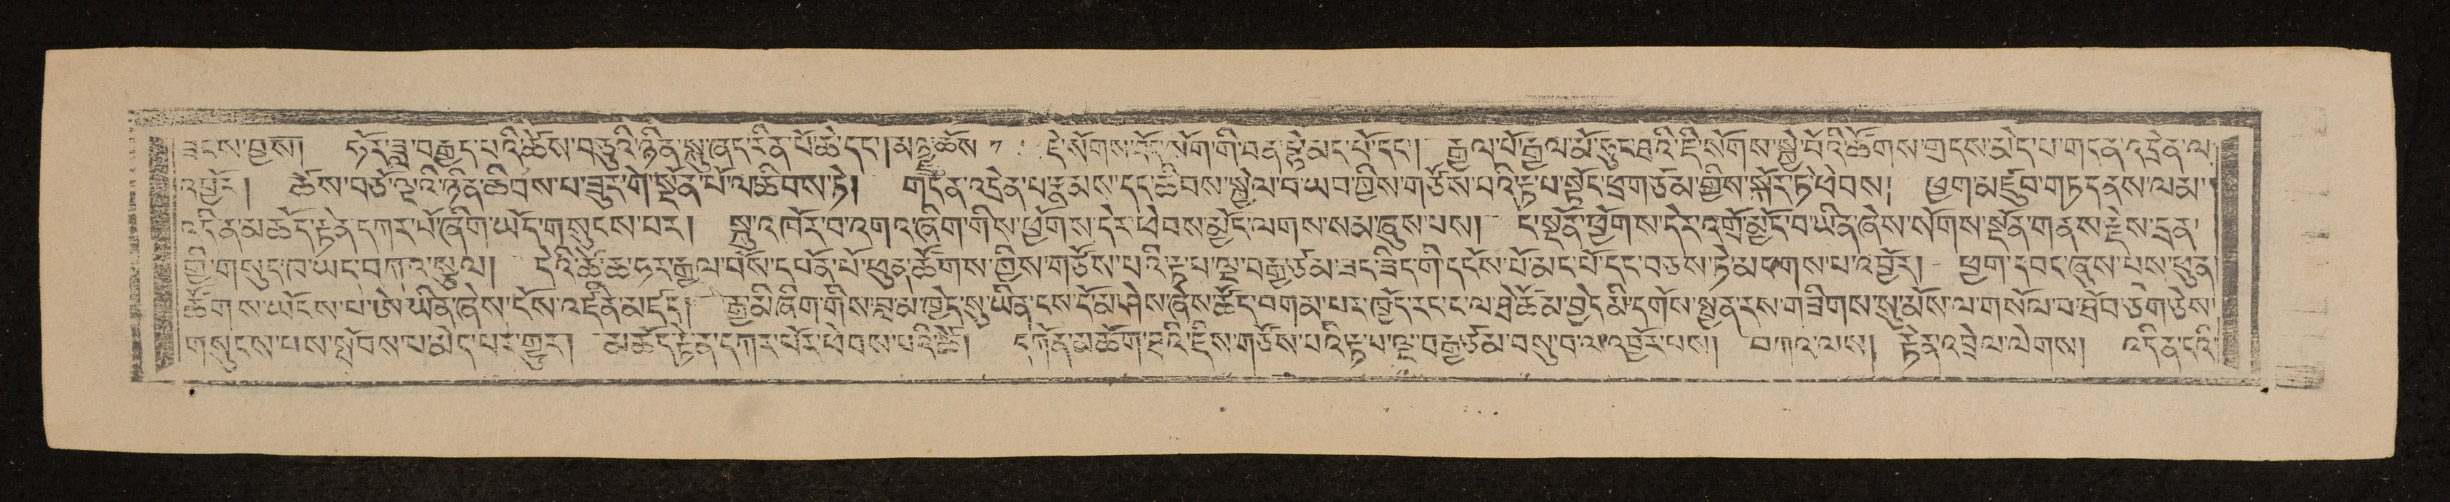ཟངས་བྱས། ཧོར་ཟླ་བརྒྱད་པའི་ཚེས་བཅུའི་ཉིན་སྐུ་ཞང་རིན་པོ་ཆེ་དང་། མཉྫུ་ཆོས་རྗེ་སོགས་བོད་སོག་གི་བན་དྷེ་མང་པོ་དང་། རྒྱལ་པོ་རྒྱལ་མོ་ཧུང་ཐའི་ཇི་སོགས་སྐྱེ་བོའི་ཚོགས་གྲངས་མེད་པ་གདན་འདྲེན་ལ་
འབྱོར། ཚེས་བཅོ་ལྔའི་ཉིན་ཆིབས་པ་ཟུར་གེ་སྔོན་པོ་ལ་ཆིབས་ཏེ། གདན་འདྲེན་པ་རྣམས་དང་ཆིབས་སྐྱེལ་བ་ཡབ་ཀྱིས་གཙོས་པའི་རྟ་པ་སྟོང་ཕྲག་ཙམ་གྱིས་སྐོར་ཏེ་ཕེབས། ཕྱག་མཛུབ་གཏད་ནས་ལམ་
འདི་ན་མཆོད་རྟེན་དཀར་པོ་ཞིག་ཡོད་གསུངས་པར། སྐུ་འཁོར་བ་འགའ་ཞིག་གིས་ཕྱོགས་དེར་ཕེབས་མྱོང་ལགས་སམ་ཞུས་པས། ད་སྔོན་ཕྱོགས་དེར་འགྲོ་མྱོང་བ་ཡིན་ཞེས་སོགས་སྔོན་གནས་རྗེས་དྲན་
གྱི་གསུང་ཁ་ཡར་བཀའ་སྩལ། དེའི་ཚེ་ཆ་ཧར་རྒྱལ་པོས་དཔོན་པོ་ཕུན་ཚོགས་ཀྱིས་གཙོས་པའི་རྟ་པ་ལྔ་བརྒྱ་ཙམ་ཟང་ཟིང་གི་དངོས་པོ་མང་པོ་དང་བཅས་ཏེ་མངགས་པ་འབྱོར། ཕྱག་དབང་ཞུས་པས་ཕུན་
ཚོགས་ཡོངས་པ་ཨེ་ཡིན་ཞེས་ངོས་འཛིན་མཛད། རྒྱ་མི་ཞིག་གིས་བླ་མ་ཁྱེད་སུ་ཡིན་ངས་ངོ་མ་ཤེས་ཞེས་ཚོང་བགམ་པར་ཁྱོད་རང་ང་ལ་ཐེ་ཚོམ་བྱེད་མི་དགོས་སྤྱན་རས་གཟིགས་སུ་མོས་ལ་གསོལ་བ་ཐོབ་ཅིག་ཅེས་
གསུངས་པས་སྤོབས་པ་མེད་པར་གྱུར། མཆོད་རྟེན་དཀར་པོར་ཕེབས་པའི་ཚེ། དཀོན་མཆོག་ཐའི་ཇིས་གཙོས་པའི་རྟ་པ་ལྔ་བརྒྱ་ཙམ་བསུ་བ་ལ་འབྱོར་པས། བཀའ་ལས། རྟེན་འབྲེལ་ལེགས། འདི་ན་ངའི་